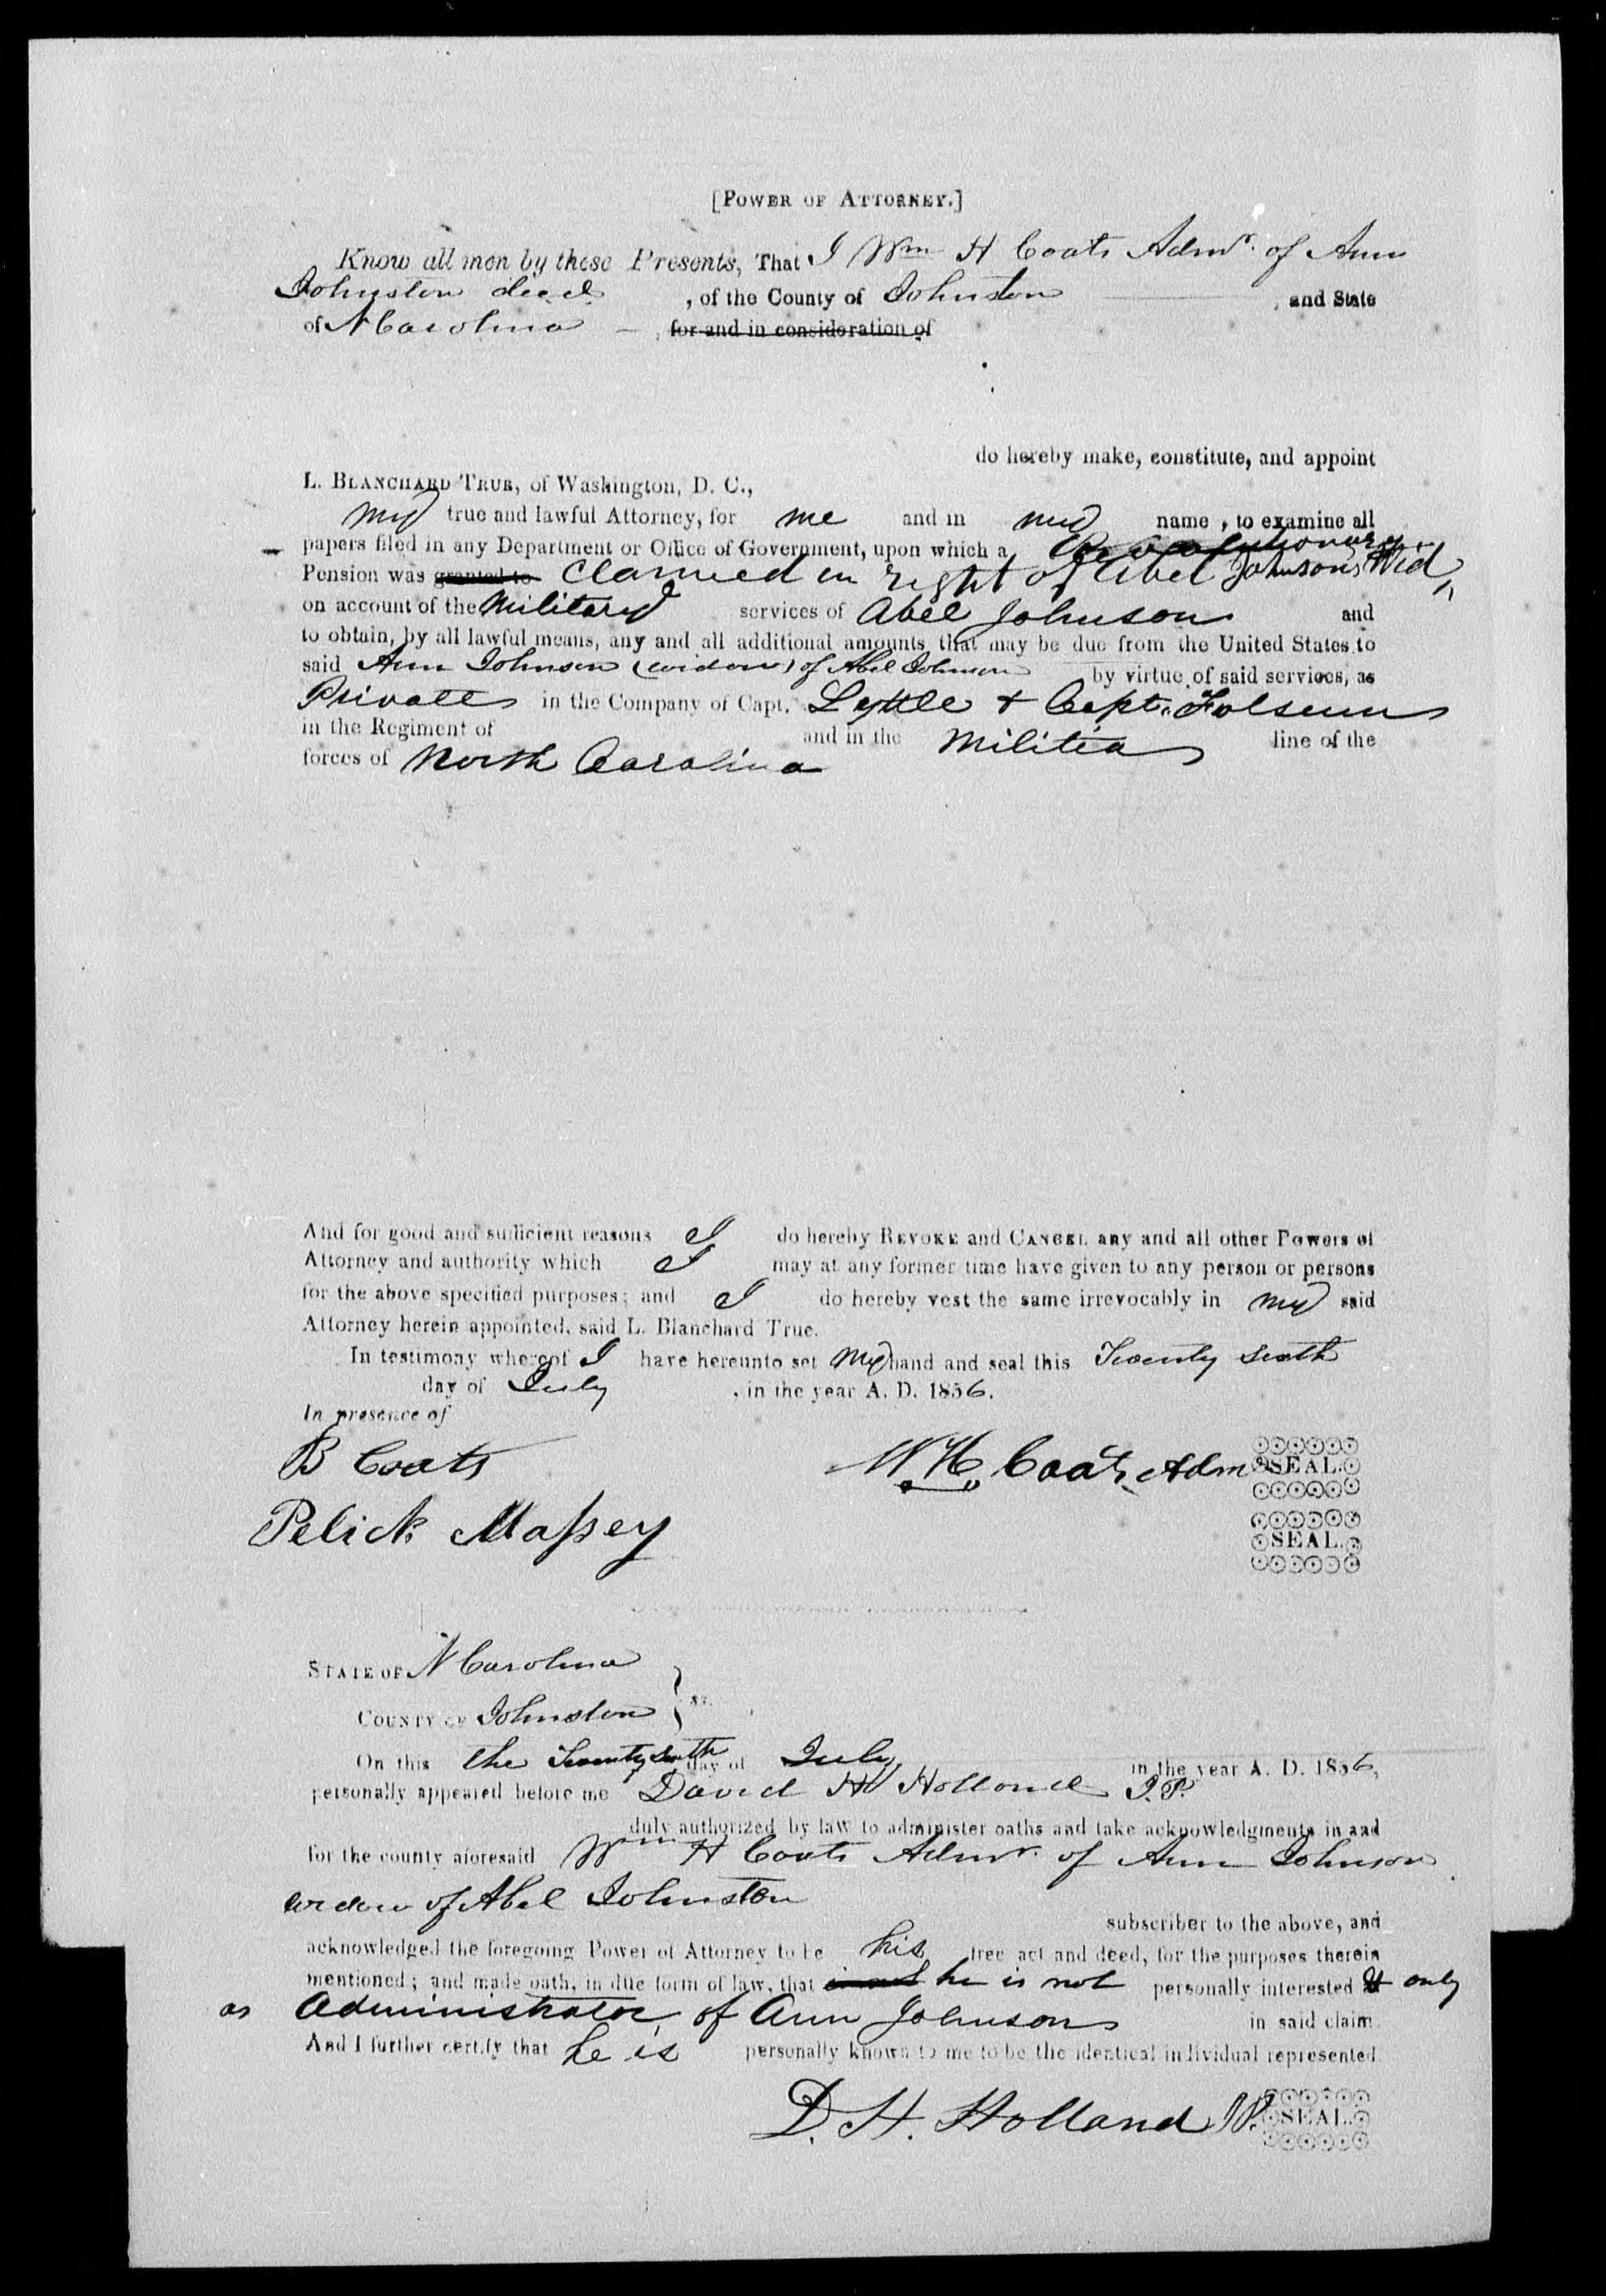[POWER OF ATTORNEY.] Know all men by these presents, that I, William H. Coats, administrator of Ann Johnson deceased, of the County of Johnston, and State of North Carolina. L. Blanchard True, of Washington D.C., do hereby make, constitute, and appoint my true and lawful attorney, for me and in my name, to examine all papers filed in any Department or Office of Government, upon which a Revolutionary pension was claimed in right of Abel Johnson deceased, on account of the military services of Abel Johnson deceased and to obtain, by all lawful means, any and all additional amounts that may be due from the United States to said Ann Johnson (widow) of Abel Johnson by virtue, of said services, as Private in the Company of Captain Lyttle and Capt. Folsom in the Regiment of  and in the Militia line of the forces of North Carolina. And for good and sufficient reasons, I do hereby revoke and cancel any and all other Powers of Attorney and authority which I may at any former time have given to any person or persons for the above specified purposes; and I do hereby vest the same irrevocably in my said Attorney hereto appoint, said L. Blanchard True. In testimony whereof, I have hereunto set my hand and seal this twenty sixth day of July, in the year A.D. 1856. W. H. Coats, Adm [Administrator]  In presence of B. Coats Pelick Massey    [seal]     
State of North Carolina County of Johnston On this the twenty sixth day of July in the year A. D. 1856  personally appeared before me David H. Holland, JP  duly authorized by law to administer oaths and take acknowledgements in an for the county aforesaid, William H. Coats, Administrator of Ann Johnson, widow of Abel Johnston. Subscriber to the above and acknowledged the foregoing Power of Attorney to be his true act and deed, for the purposes therein mentioned; and made oath, in due form of law, that he is not personally interested and only as Administrator of Ann Johnson in said claim. And I further certify that he is personally known to me to be the identical individual represented. D. H. Holland   [seal]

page: 15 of 74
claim: rejected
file: R. 5600, for Abel Johnson, North Carolina